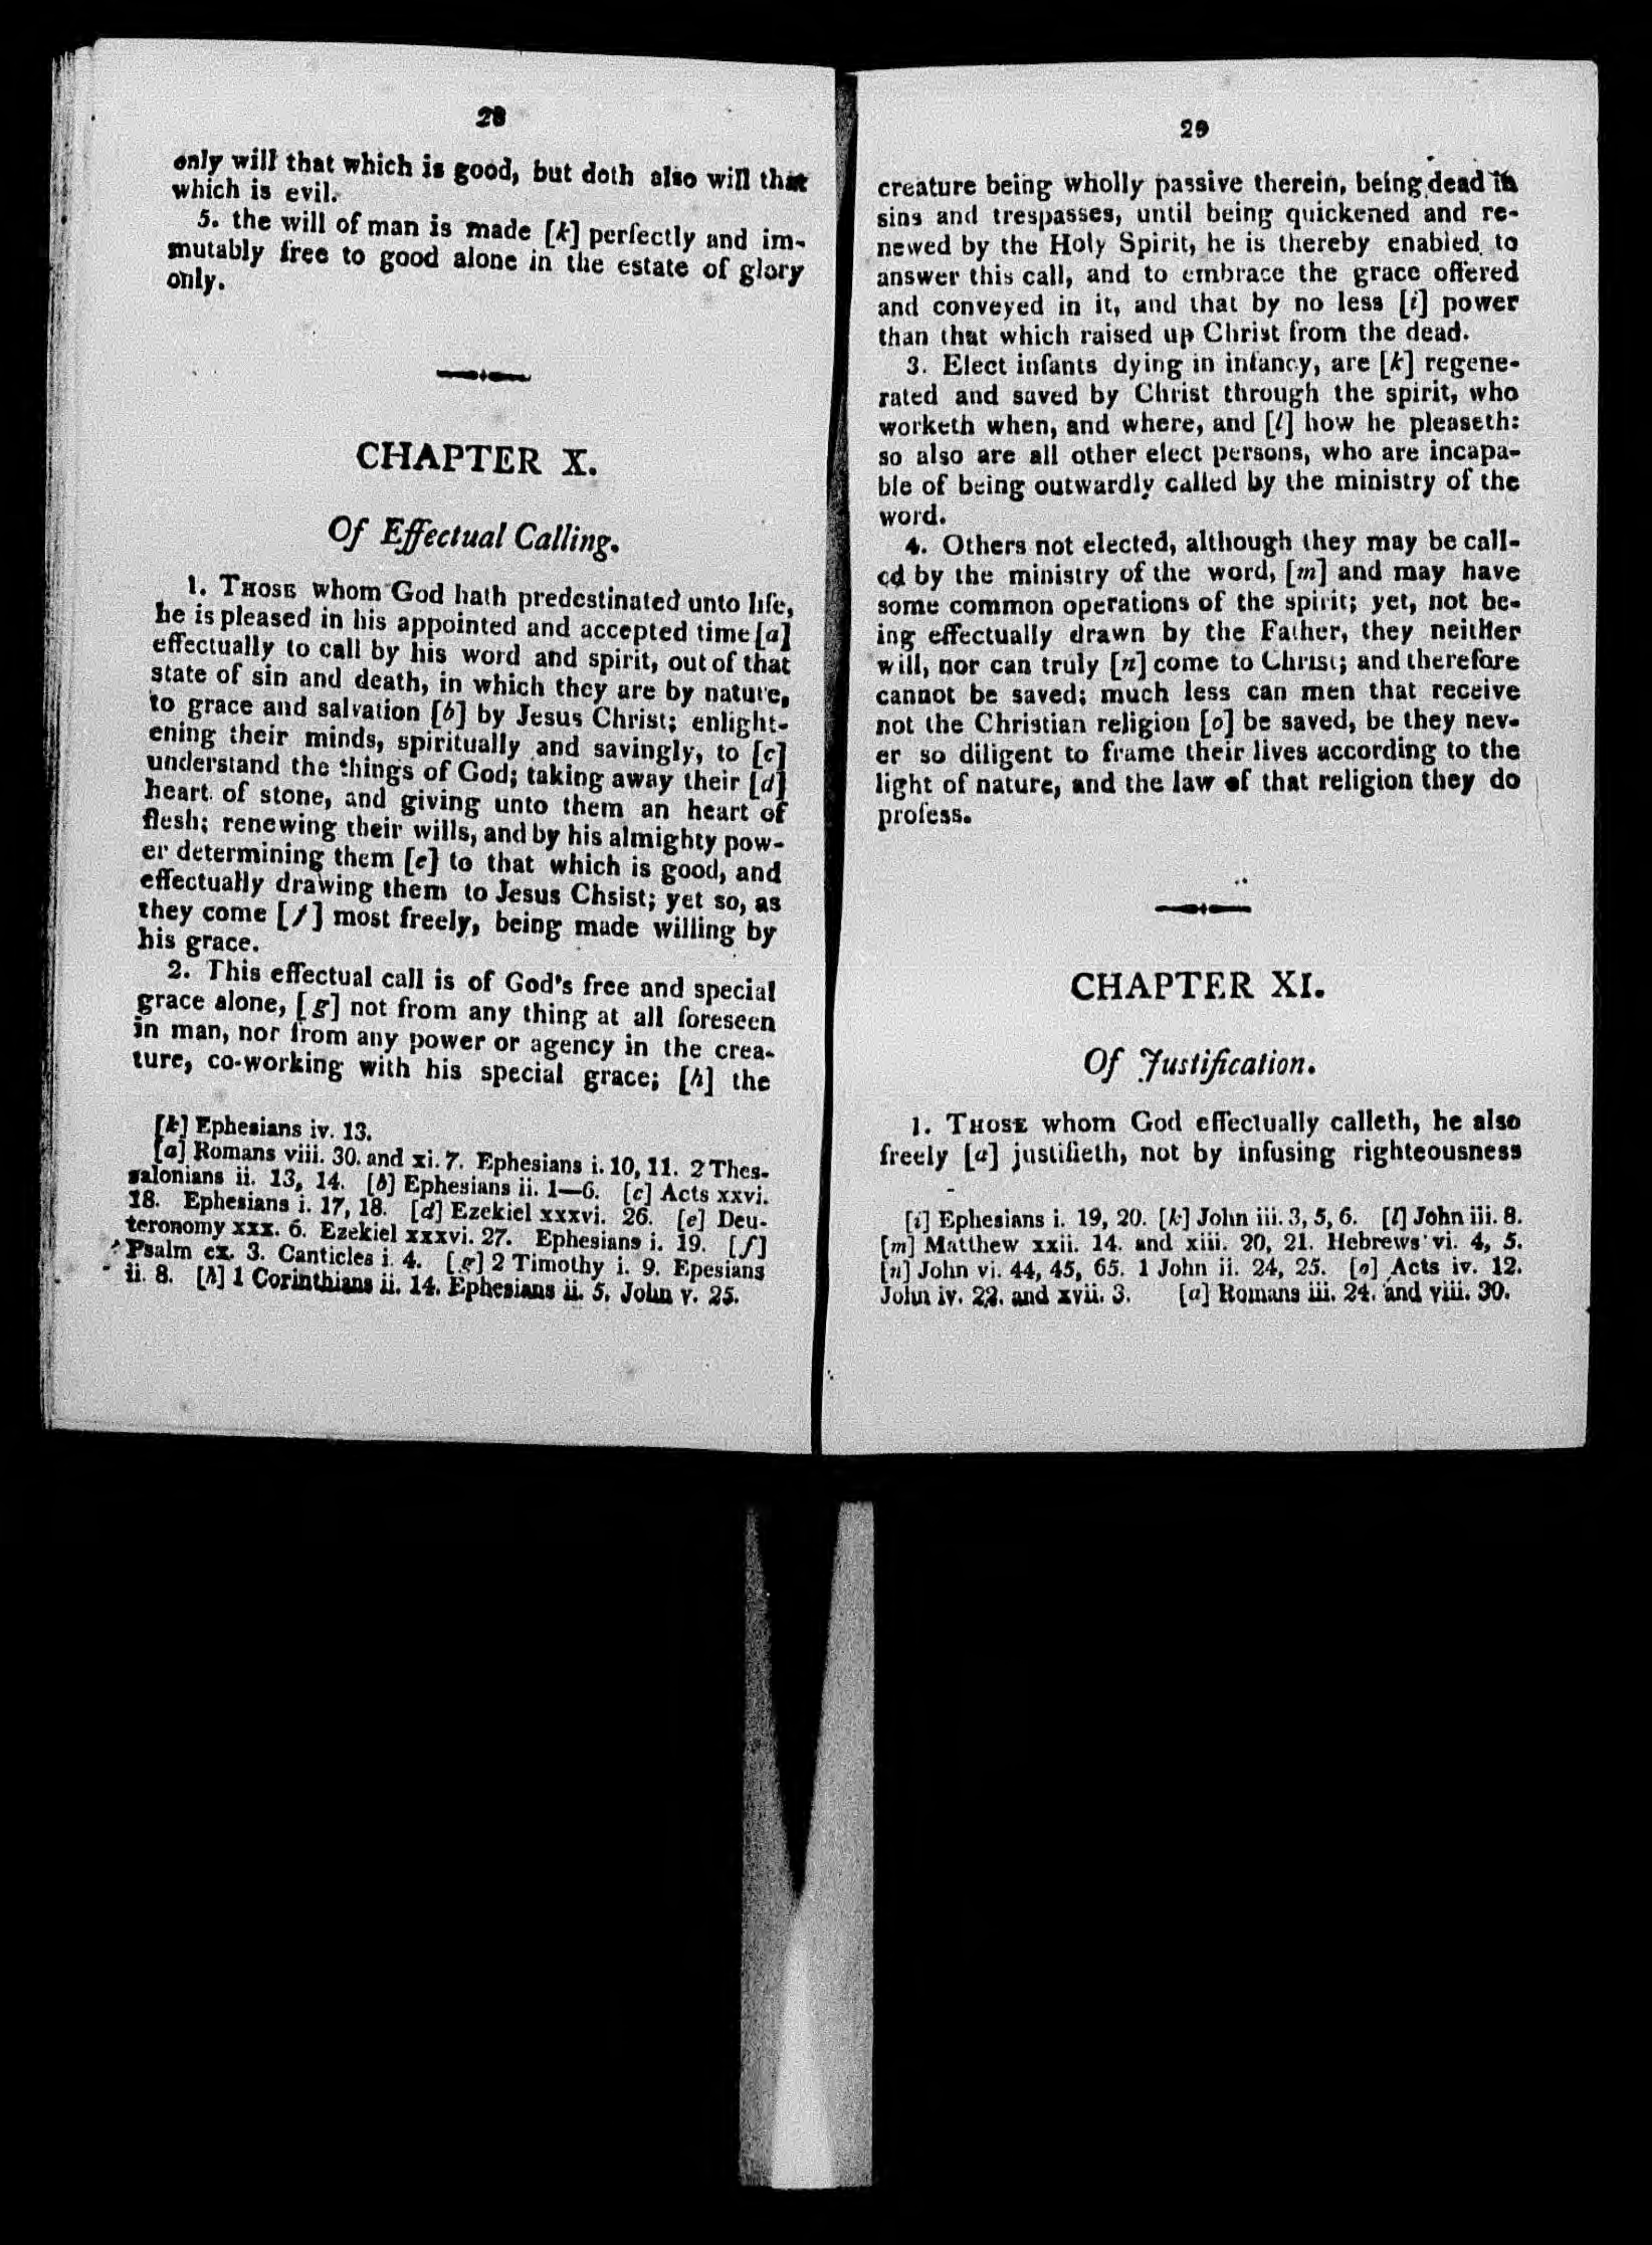28
only will that which is good, but doth also will that which is evil.
5 the will of man is made [k] perfectly and immutably free to good alone in the estate of glory only.
----------------------------------
CHAPTER X.
Of Effectual Calling.
1. THOSE whom God hath predestinated unto life, he is pleased in his appointed and accepted time [a] effectually to call by his word and spirit, out of that state of sin and death, in which they are by nature, to grace and salvation [b] by Jesus Christ; enlightening their minds, spiritually and savingly, to [c] understand the things of God; taking away their [d] heart of stone, and giving unto them an heart of flesh; renewing their wills, and by his almighty power determining them [e] to that which is good, and effectually drawing them to Jesus Christ; yet so as they come [f] most freely, being made willing by his grace.
2. This effectual call is of God's free and special
grace alone, [g] not from any thing at all foreseen in man, nor from any power or agency in the creature, co-working with his special grace; [h] the

[k] Ephesians iv. 13.
[a] Romans viii. 30. and xi. 7. Ephesians i. 10, 11.  2 Thessalonians ii. 13, 14. [b] Ephesians ii. 1--6. [c] Acts xxvi.
18. Ephesians i. 17, 18. [d] Ezekiel xxxvi. 26. [e] Deuteronomy xxx. 6. Ezekiel xxxvi. 27. Ephesians i. 19. [f] Psalm cx. 3. Canticles i.  4. [g] 2 Timothy i. 9. Epesians ii. 8. [h] 1 Corinthians ii. 14. Ephesians ii. 5. John v. 25.

29
creature being wholly passive therein, being dead in sins and trespasses, until being quickened and renewed by the Holy Spirit, he is thereby enabled to answer this call, and to embrace the grace offered and conveyed in it, and that by no less [i] power than that which raised up Christ from the dead.
3. Elect infants dying in infancy, are [k] regenerated and saved by Christ through the spirit, who worketh when, and where, and [l] how he pleaseth: so also are all other elect persons, who are incapable of being outwardly called by the ministry of the word.
4. Others not elected, although they may be called by the ministry of the word, [m] and may have some common operations of the spirit; yet, not being effectually drawn by the Father, they neither will, nor can truly [n] come to Christ; and therefore cannot be saved; much less can men that receive not the Christian religion [o] be saved, be they never so diligent to frame their lives according to the light of nature, and the law of that religion they do
profess.
------------------------
CHAPTER XI.
of Justification.
1. THOSE whom God effectually calleth, he also
freely [a] justifieth, not by infusing righteousness

[i] Ephesians i. 19, 20. [k] John iii. 3, 5, 6. [l] John iii. 8. [m] Matthew xxii. 14, and xiii, 20, 21. Hebrews vi. 4, 5. [n] John vi. 44, 45, 65. 1 John ii. 24, 25. [o] Acts iv. 12. John iv. 22. and xvii. 3. [a] Romans iii. 24. and vii. 30.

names: Ezekiel, Ezekiel, John, John, John, John, John, John, Timothy, Matthew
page: 26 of 98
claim: widow's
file: W. 8398, William Broadway, S.C.